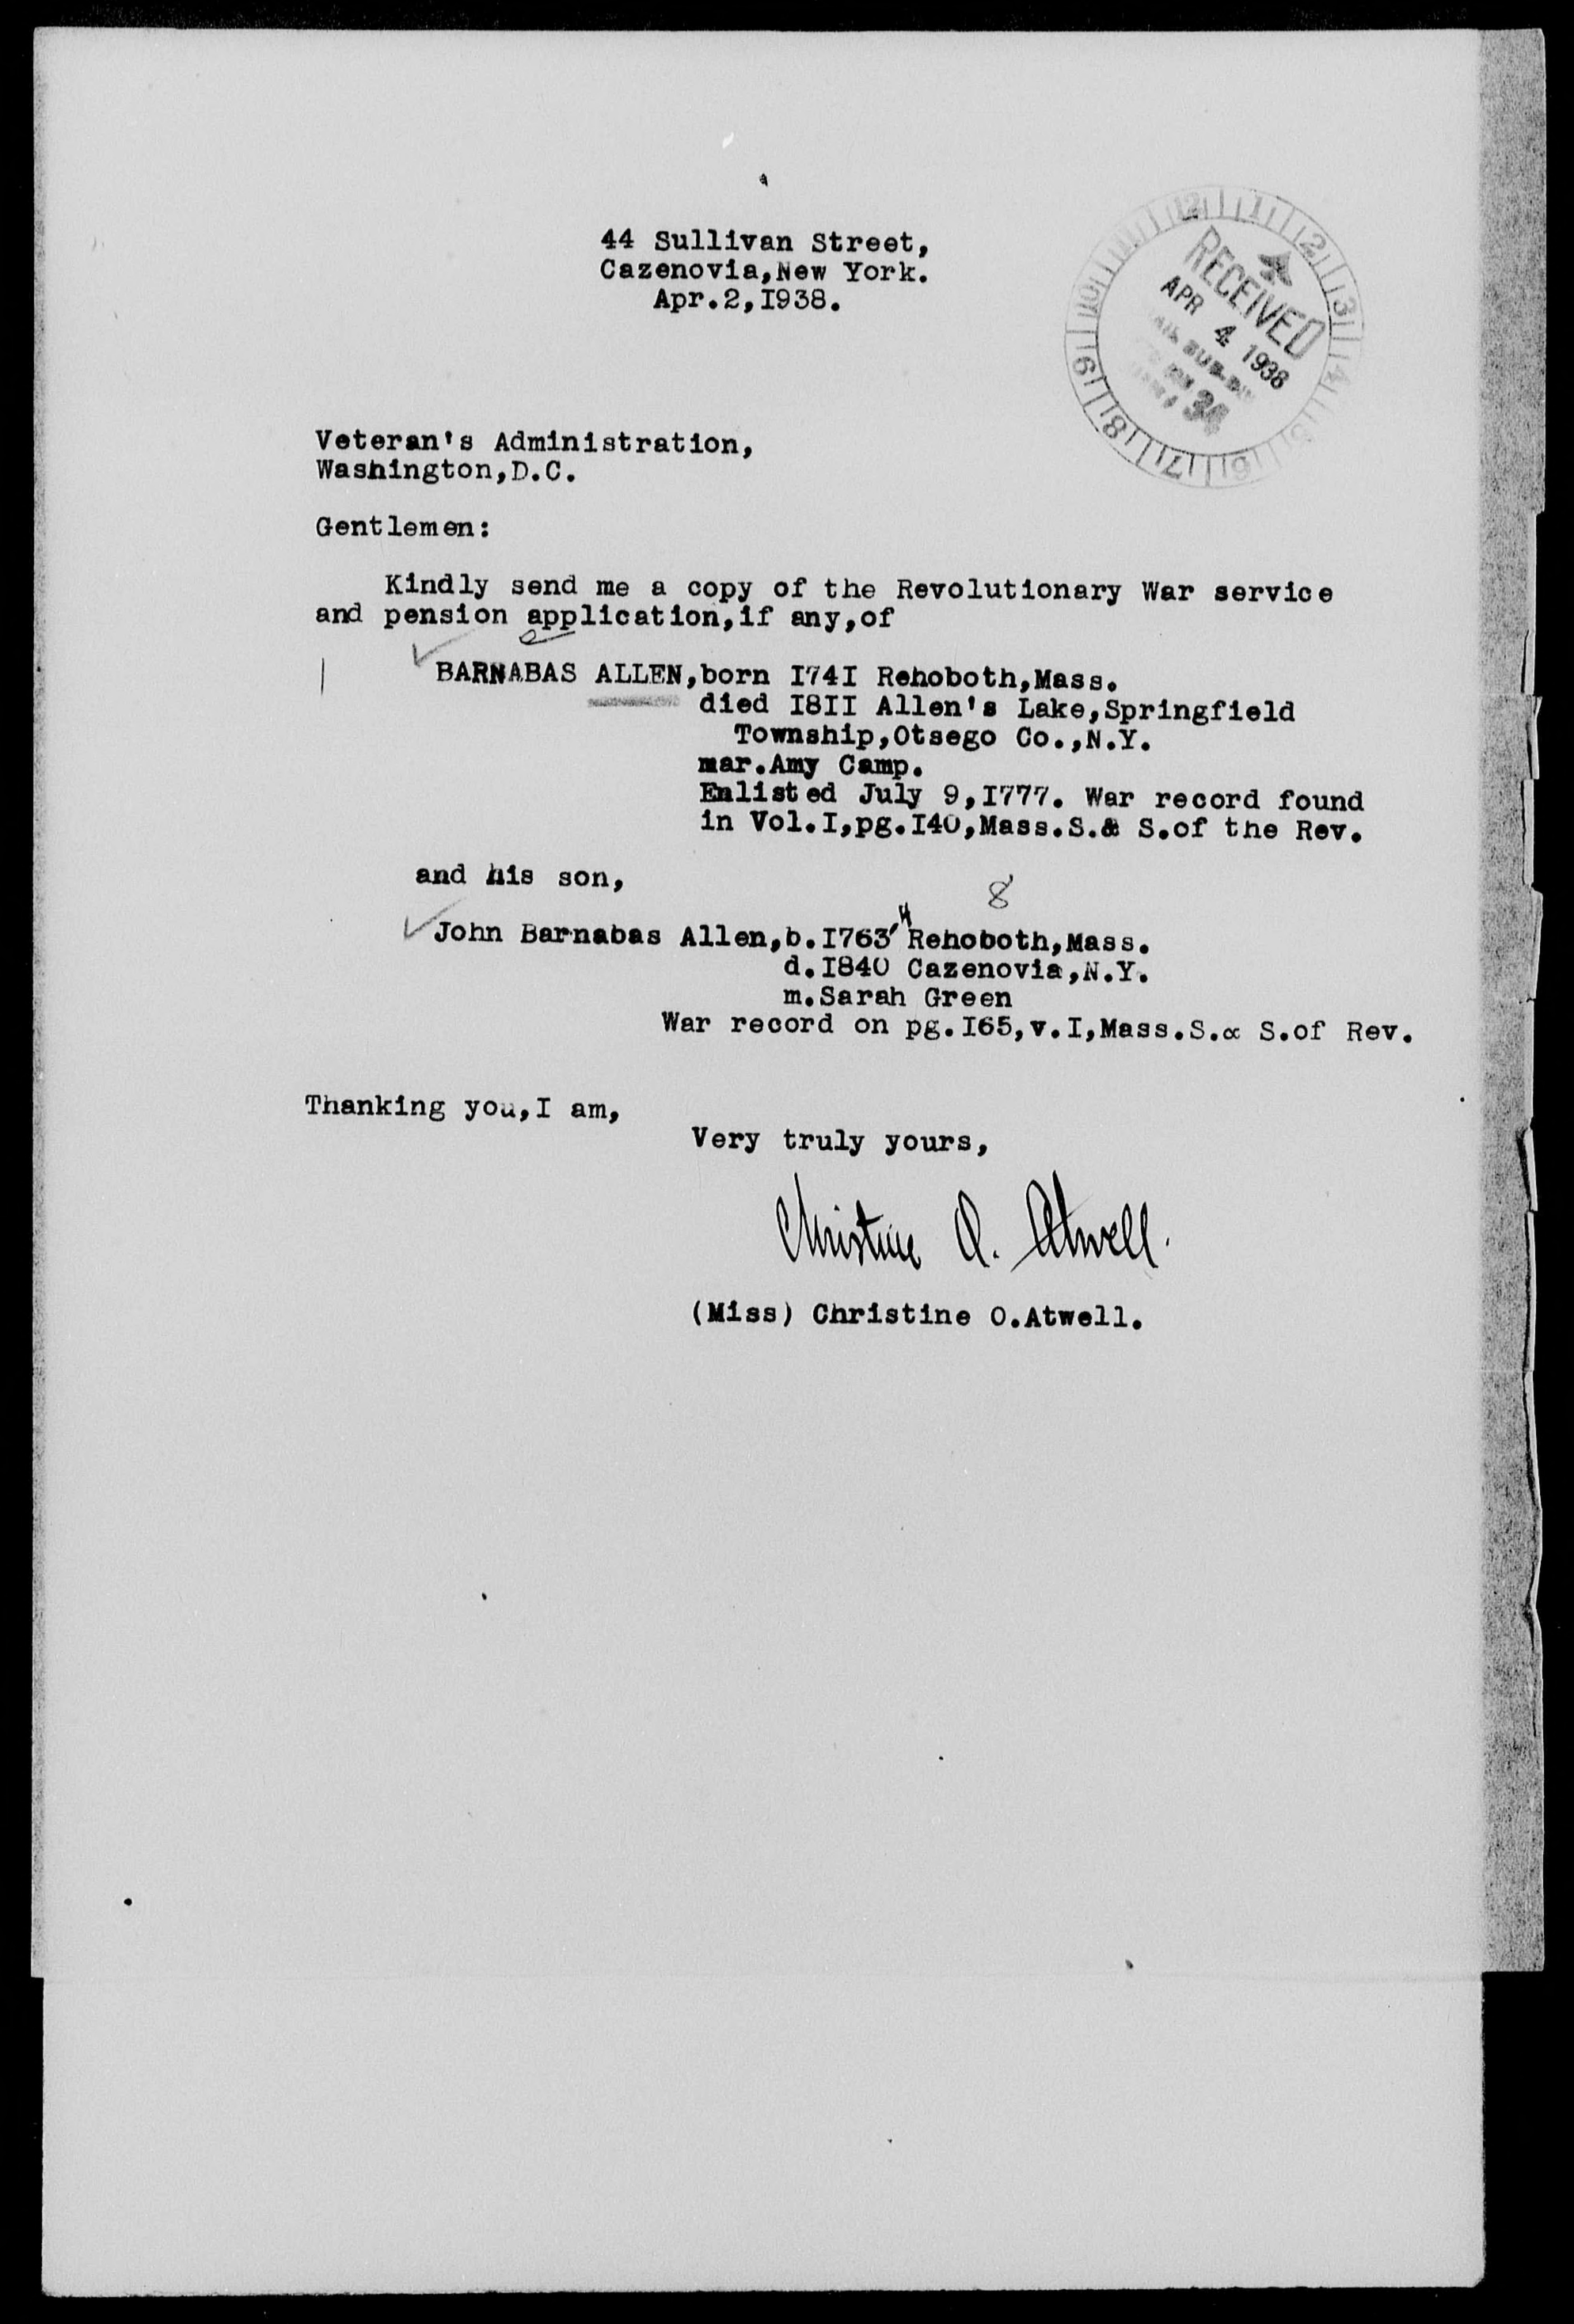[Stamp] RECEIVED APR 4 1938

44 Sullivan Street, Cazenovia, New York. Apr. 2, 1938.
Veteran's Administration, Washington, D.C. 
Gentlemen: 
Kindly send me a copy of the Revolutionary War service and pension application, if any, of 
[check mark] BARNABAS ALLEN, born 1741 Rehoboth, Mass. died 1811 Allen's Lake, Springfield Township, Otsego Co., N. Y. mar Amy Camp. Enlisted July 9, 1777. War record found in Vol. I, p. 140, Mass. S. & S. of the Rev. 
and his son,
[check mark] John Barnabas Allen, b. 1763-4 Rehoboth, Mass. d. 1840 Cazenovia, N. Y. m. Sarah Green War record on p. 165, v. I, Mass. S. & S. of Rev. 
Thanking you, I am,
Very truly yours,
Christine O. Atwell [signature]
 (Miss) Christine O. Atwell.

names: John Barnabas Allen, Christine O Atwell, Barnabas Allen, Christine O Atwell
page: 68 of 74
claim: widow's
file: W. 23424, John Allen, Mass. R. I.